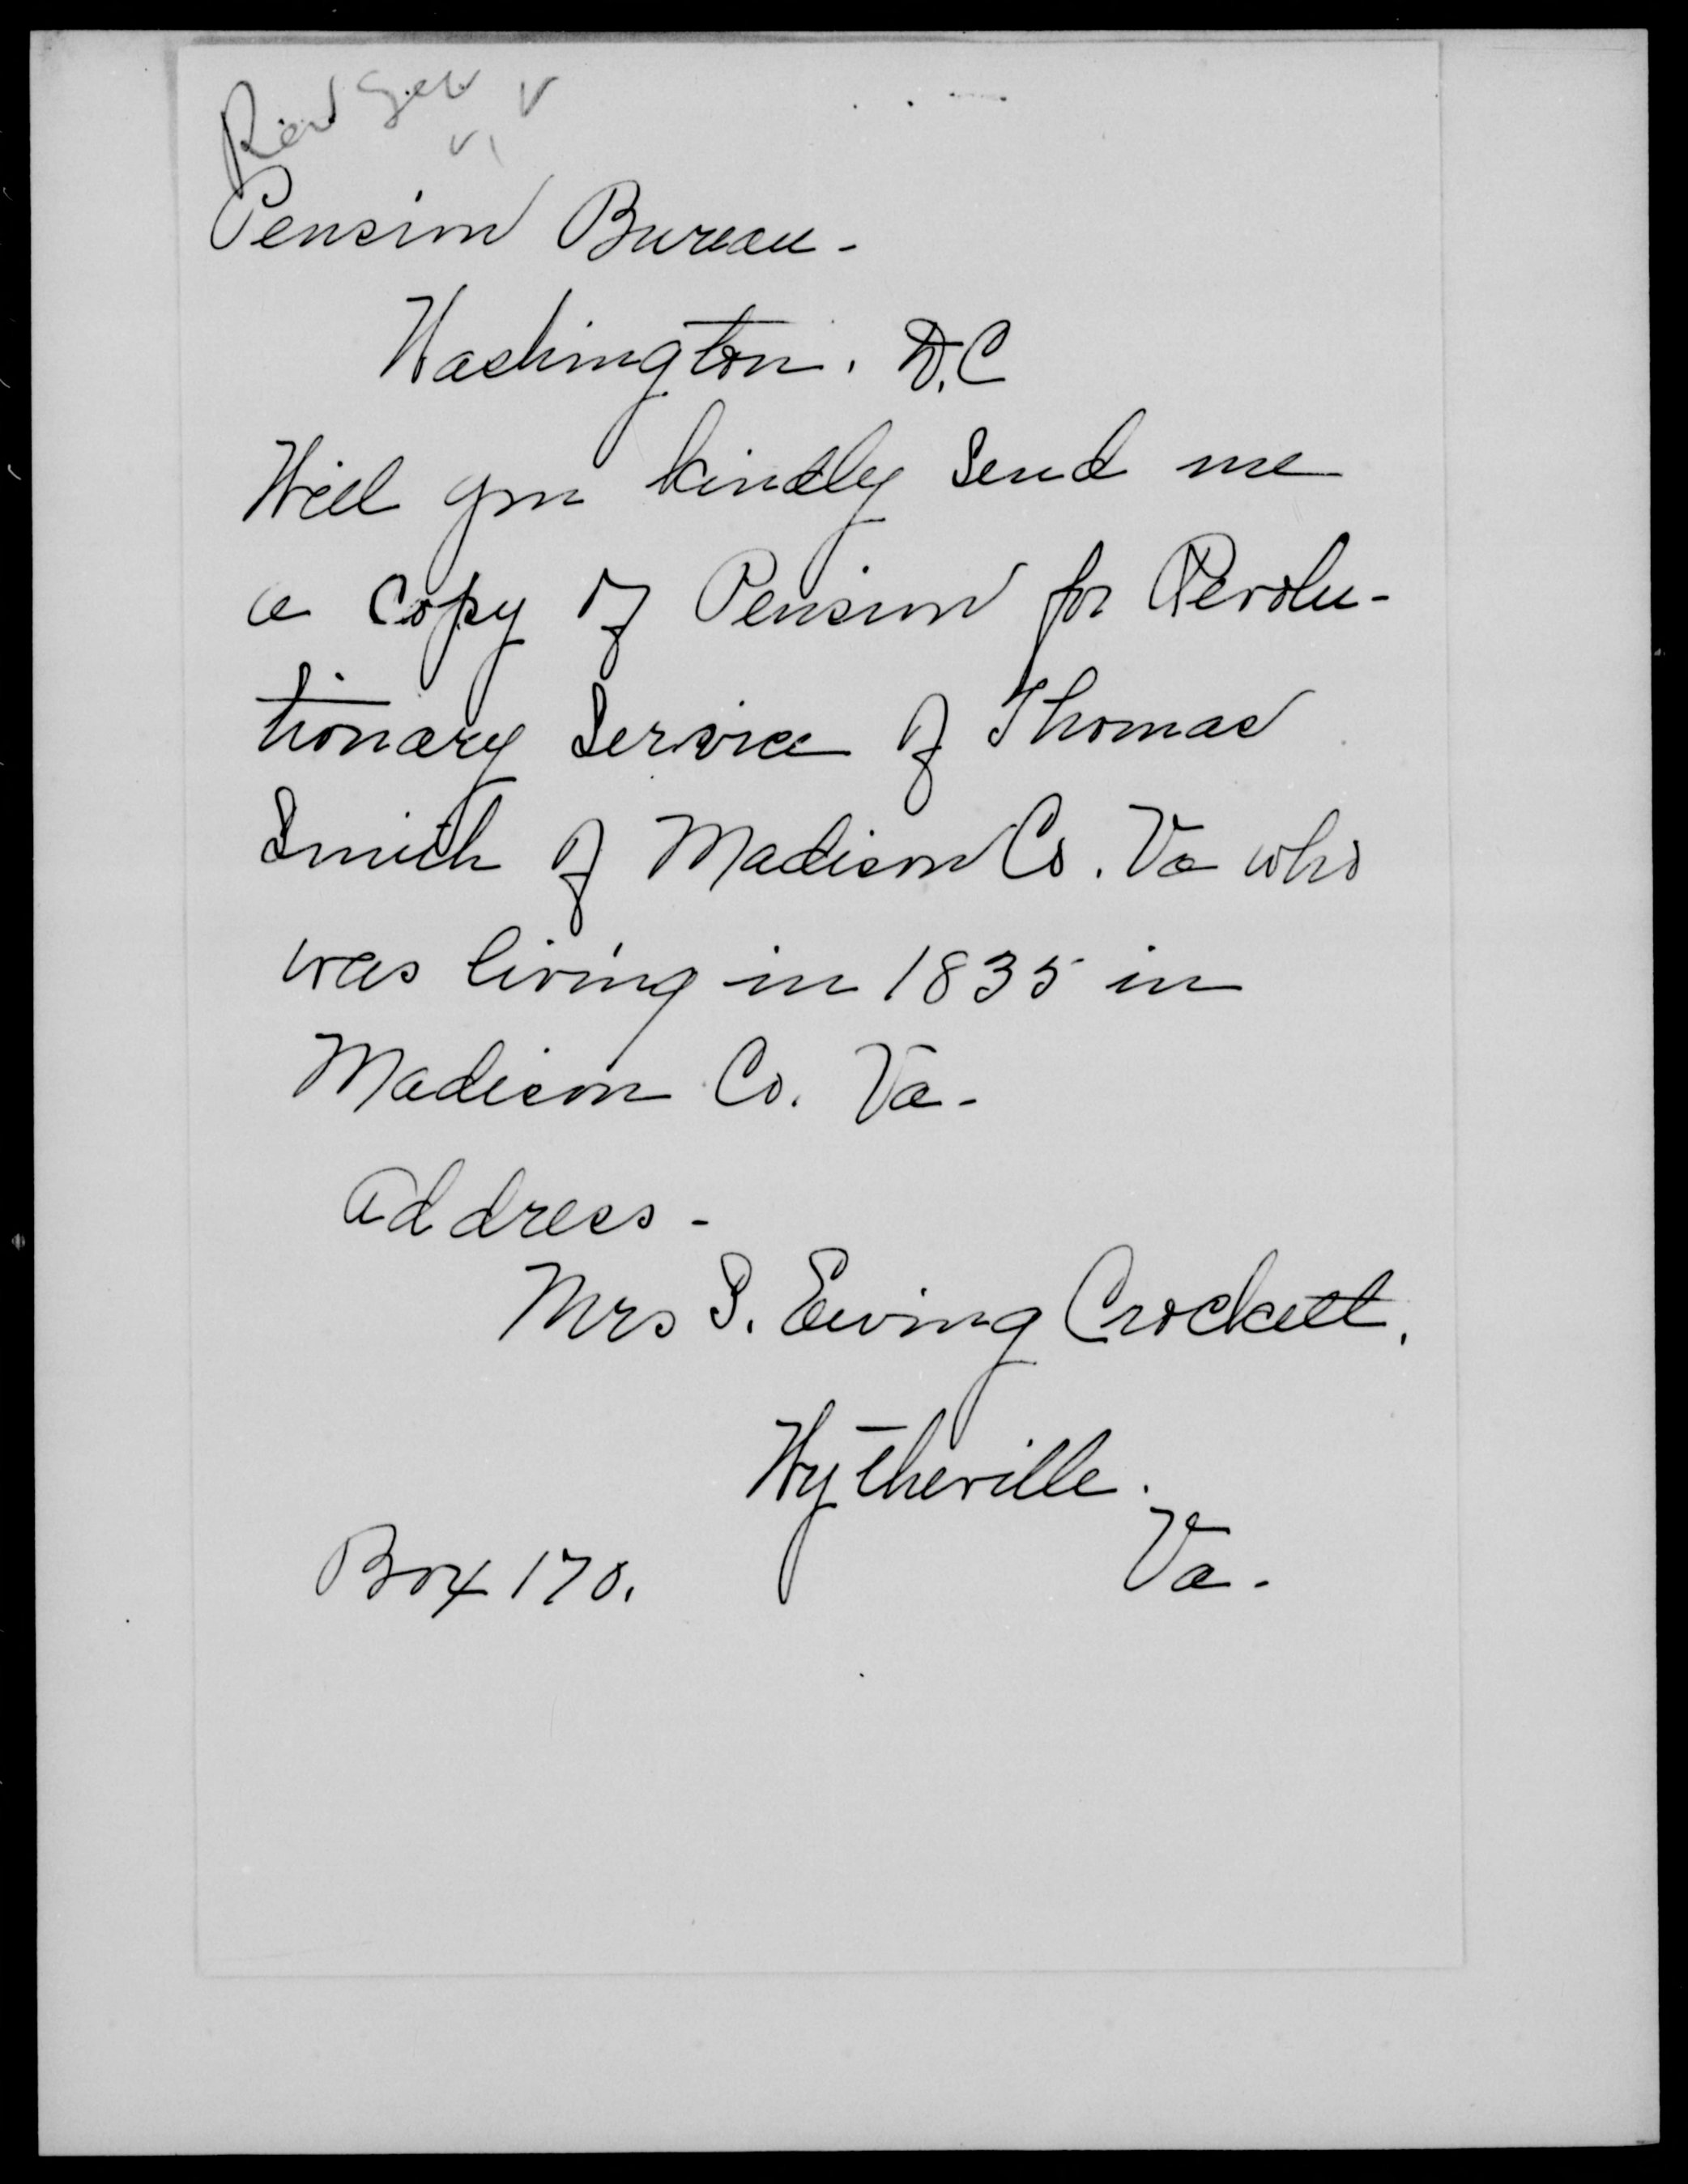Rev Pension Bureau Washington, D.C.
Will you kindly send me a copy of Pension for Revolutionary Service of Thomas Smith of Madison Co. Va who was living in 1835 in Madison Co. Va. address Mrs S. Ewing Crockett Box 170. Wytheville Va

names: Thomas Smith; S Ewing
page: 11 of 23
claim: survivor's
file: S. 6,125, for Thomas Smith, Virginia